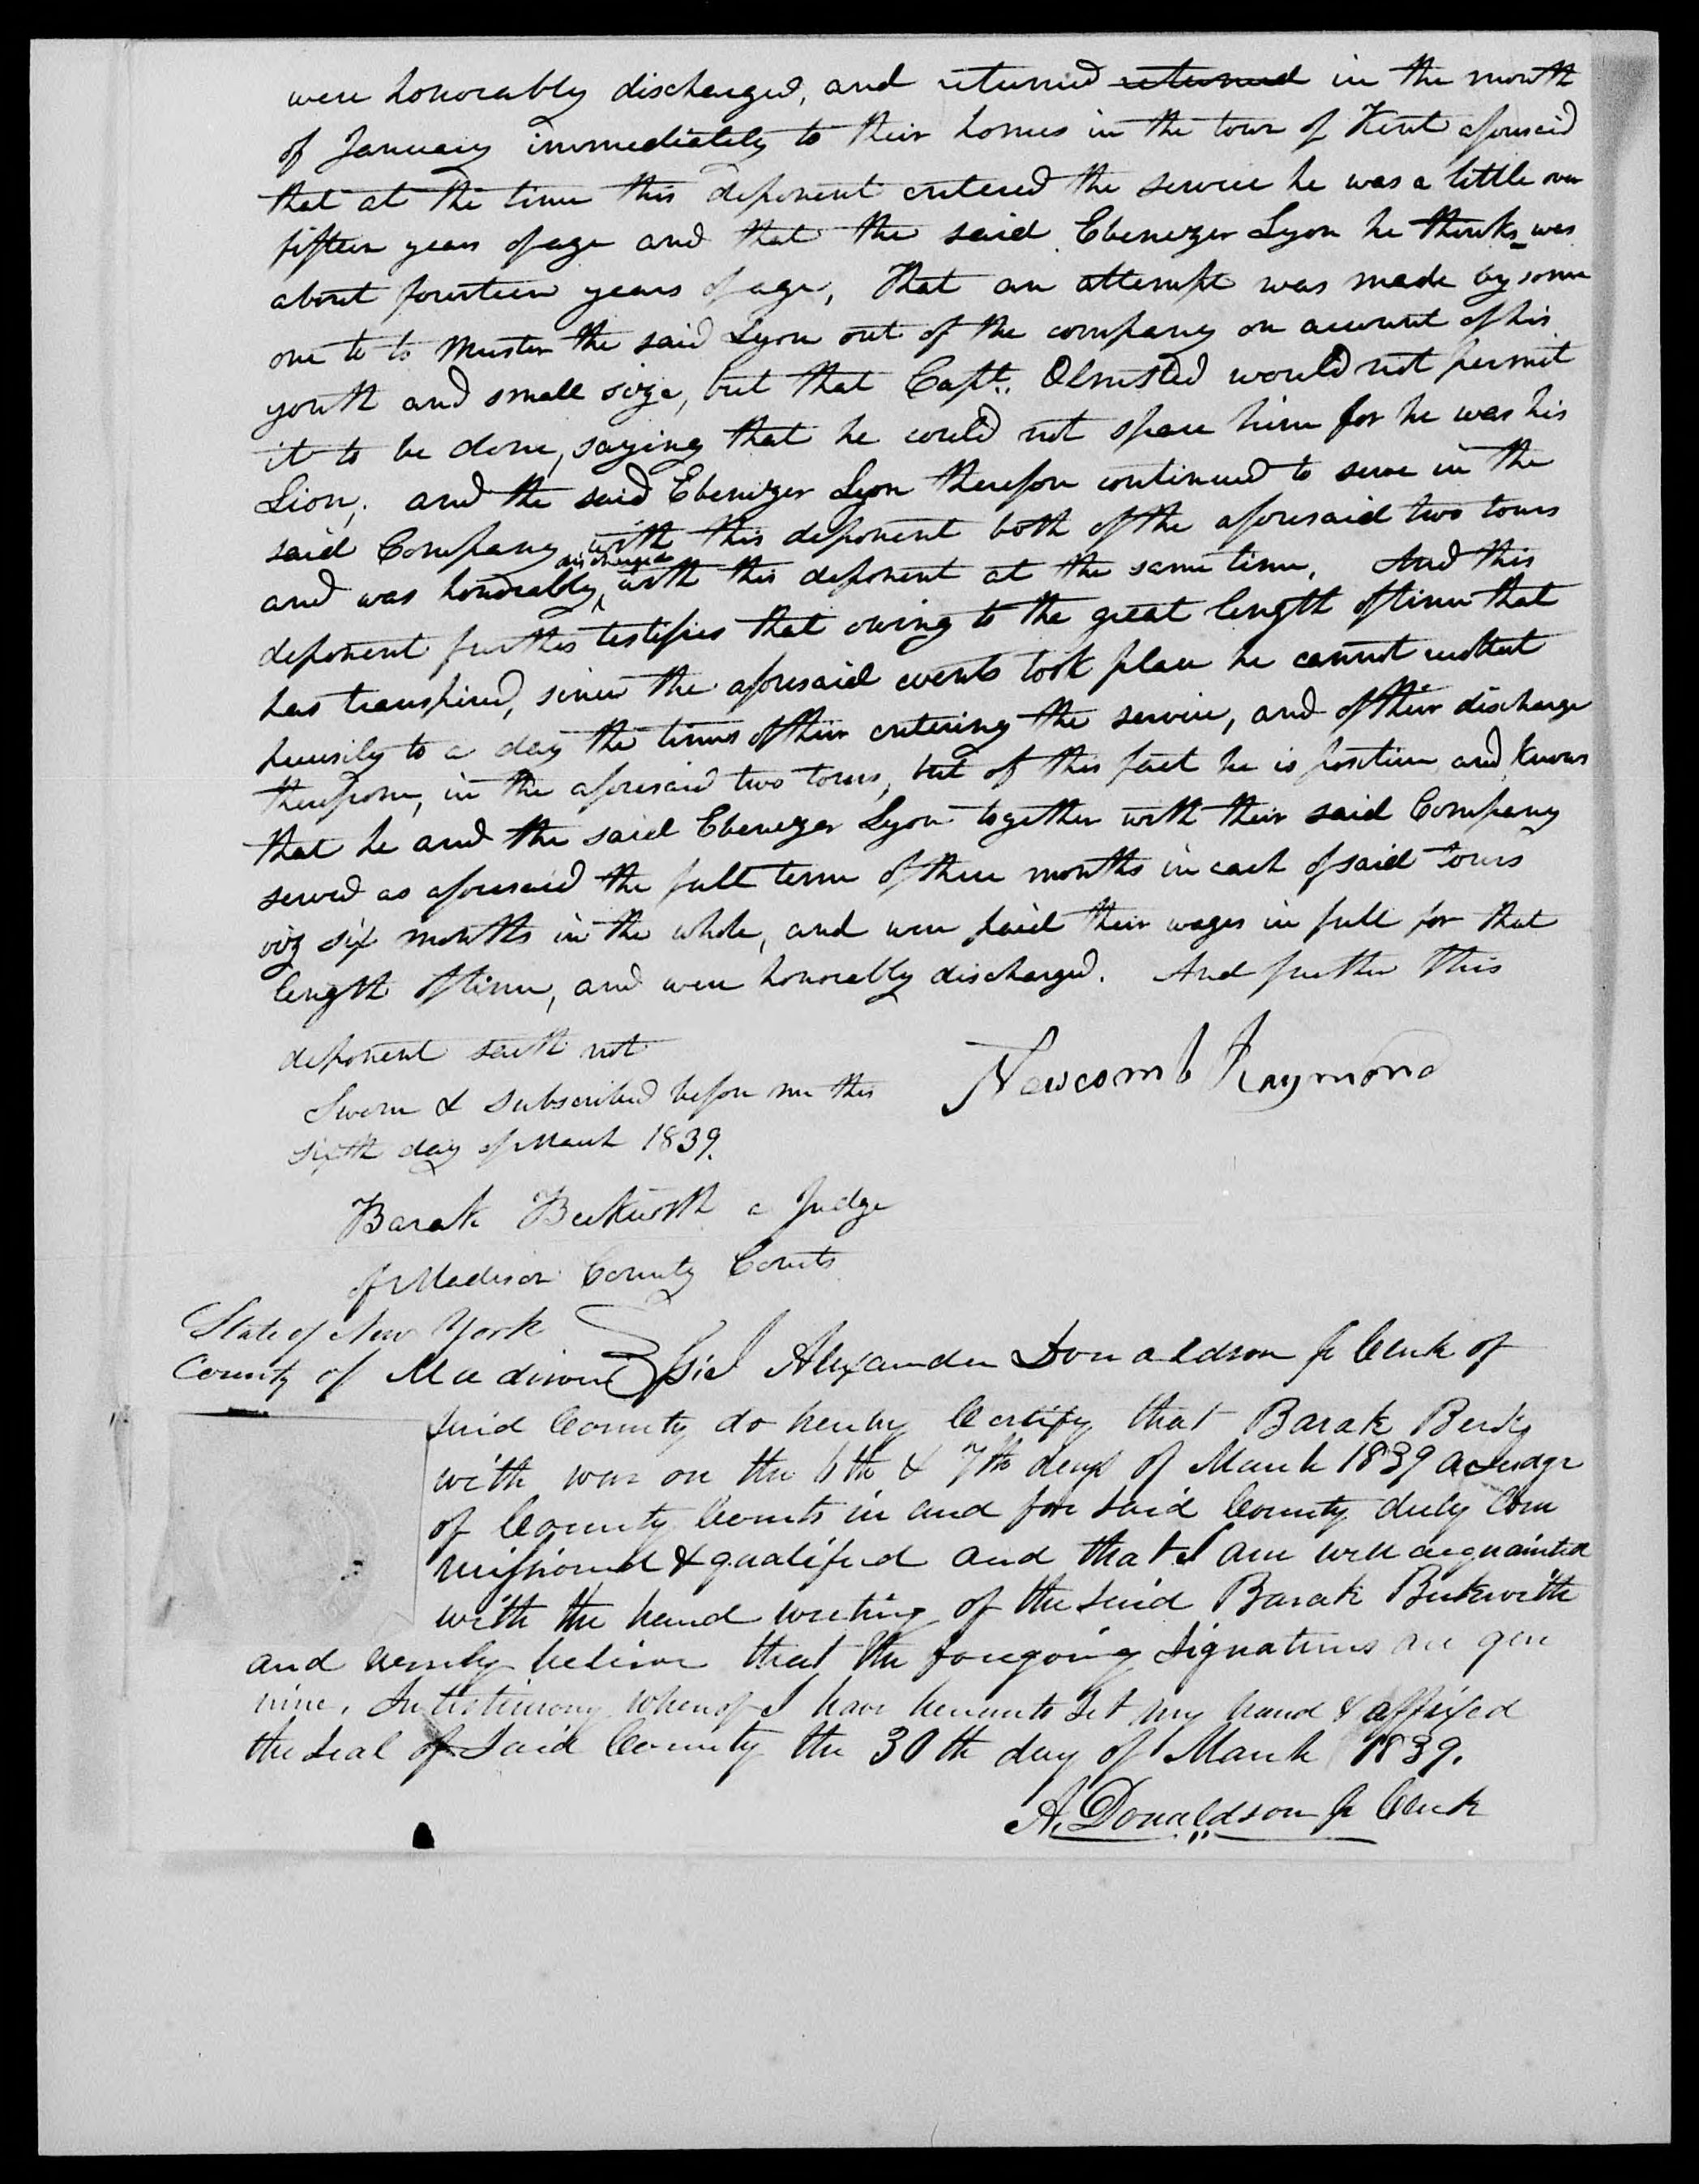were honorably discharged, and returned in the month of January immediately to their homes in the town of Kent aforesaid that at the time this deponent entered the service he was a little over fifteen years of age and that the said Ebenezer Lyon he thinks was about fourteen years of age, That an attempt was made by some one to to muster the said Lyon out of the company on account of his youth and small size, but that Capt Olmsted would not permit it to be done, saying that he could not spare him for he was his Lion, and the said Ebenezer Lyon therefore continued to serve in the said Company with this deponent both of the aforesaid two tours and was honorably discharged with the deponent at the same time. And this deponent further testifies that owing to the great length of time that has transpired, since the aforesaid events took place he cannot recollect [illegible]ily to a day the times of their entering the service, and of their discharge therefrom, in the aforesaid two tours, but of this fact his is positive and knows that he and the said Ebenezer Lyon together with their said Company served as aforesaid the full term of three months in each of said tours viz six months in the whole, and were paid their wages in full for that length of time, and were honorably discharged. And further this deponent saith not

Newcomb Raymond [Signature]

Sworn & subscribed before me this sixth day of March 1839.
Barak Beckwith a Judge of Madison County Courts

State of New York
County of Madison ss I Alexander Donaldson Jr Clerk of said County do hereby Certify that Barak Beckwith was on the 6th & 7th days of March 1839 a Judge of County Courts in and for said County duly commissioned & qualified and that I am well acquainted with the hand writing of the said Barak Beckwith and verily believe that the foregoing Signatures are genuine. In testimony whereof I have hereunto set my hand & affixed the Seal of Said County the 30th day of March 1839.
A. Donaldson Jr Clerk

[Seal]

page: 13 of 40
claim: widow's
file: W. 24,615, for Ebenezer Lyon, Connecticut